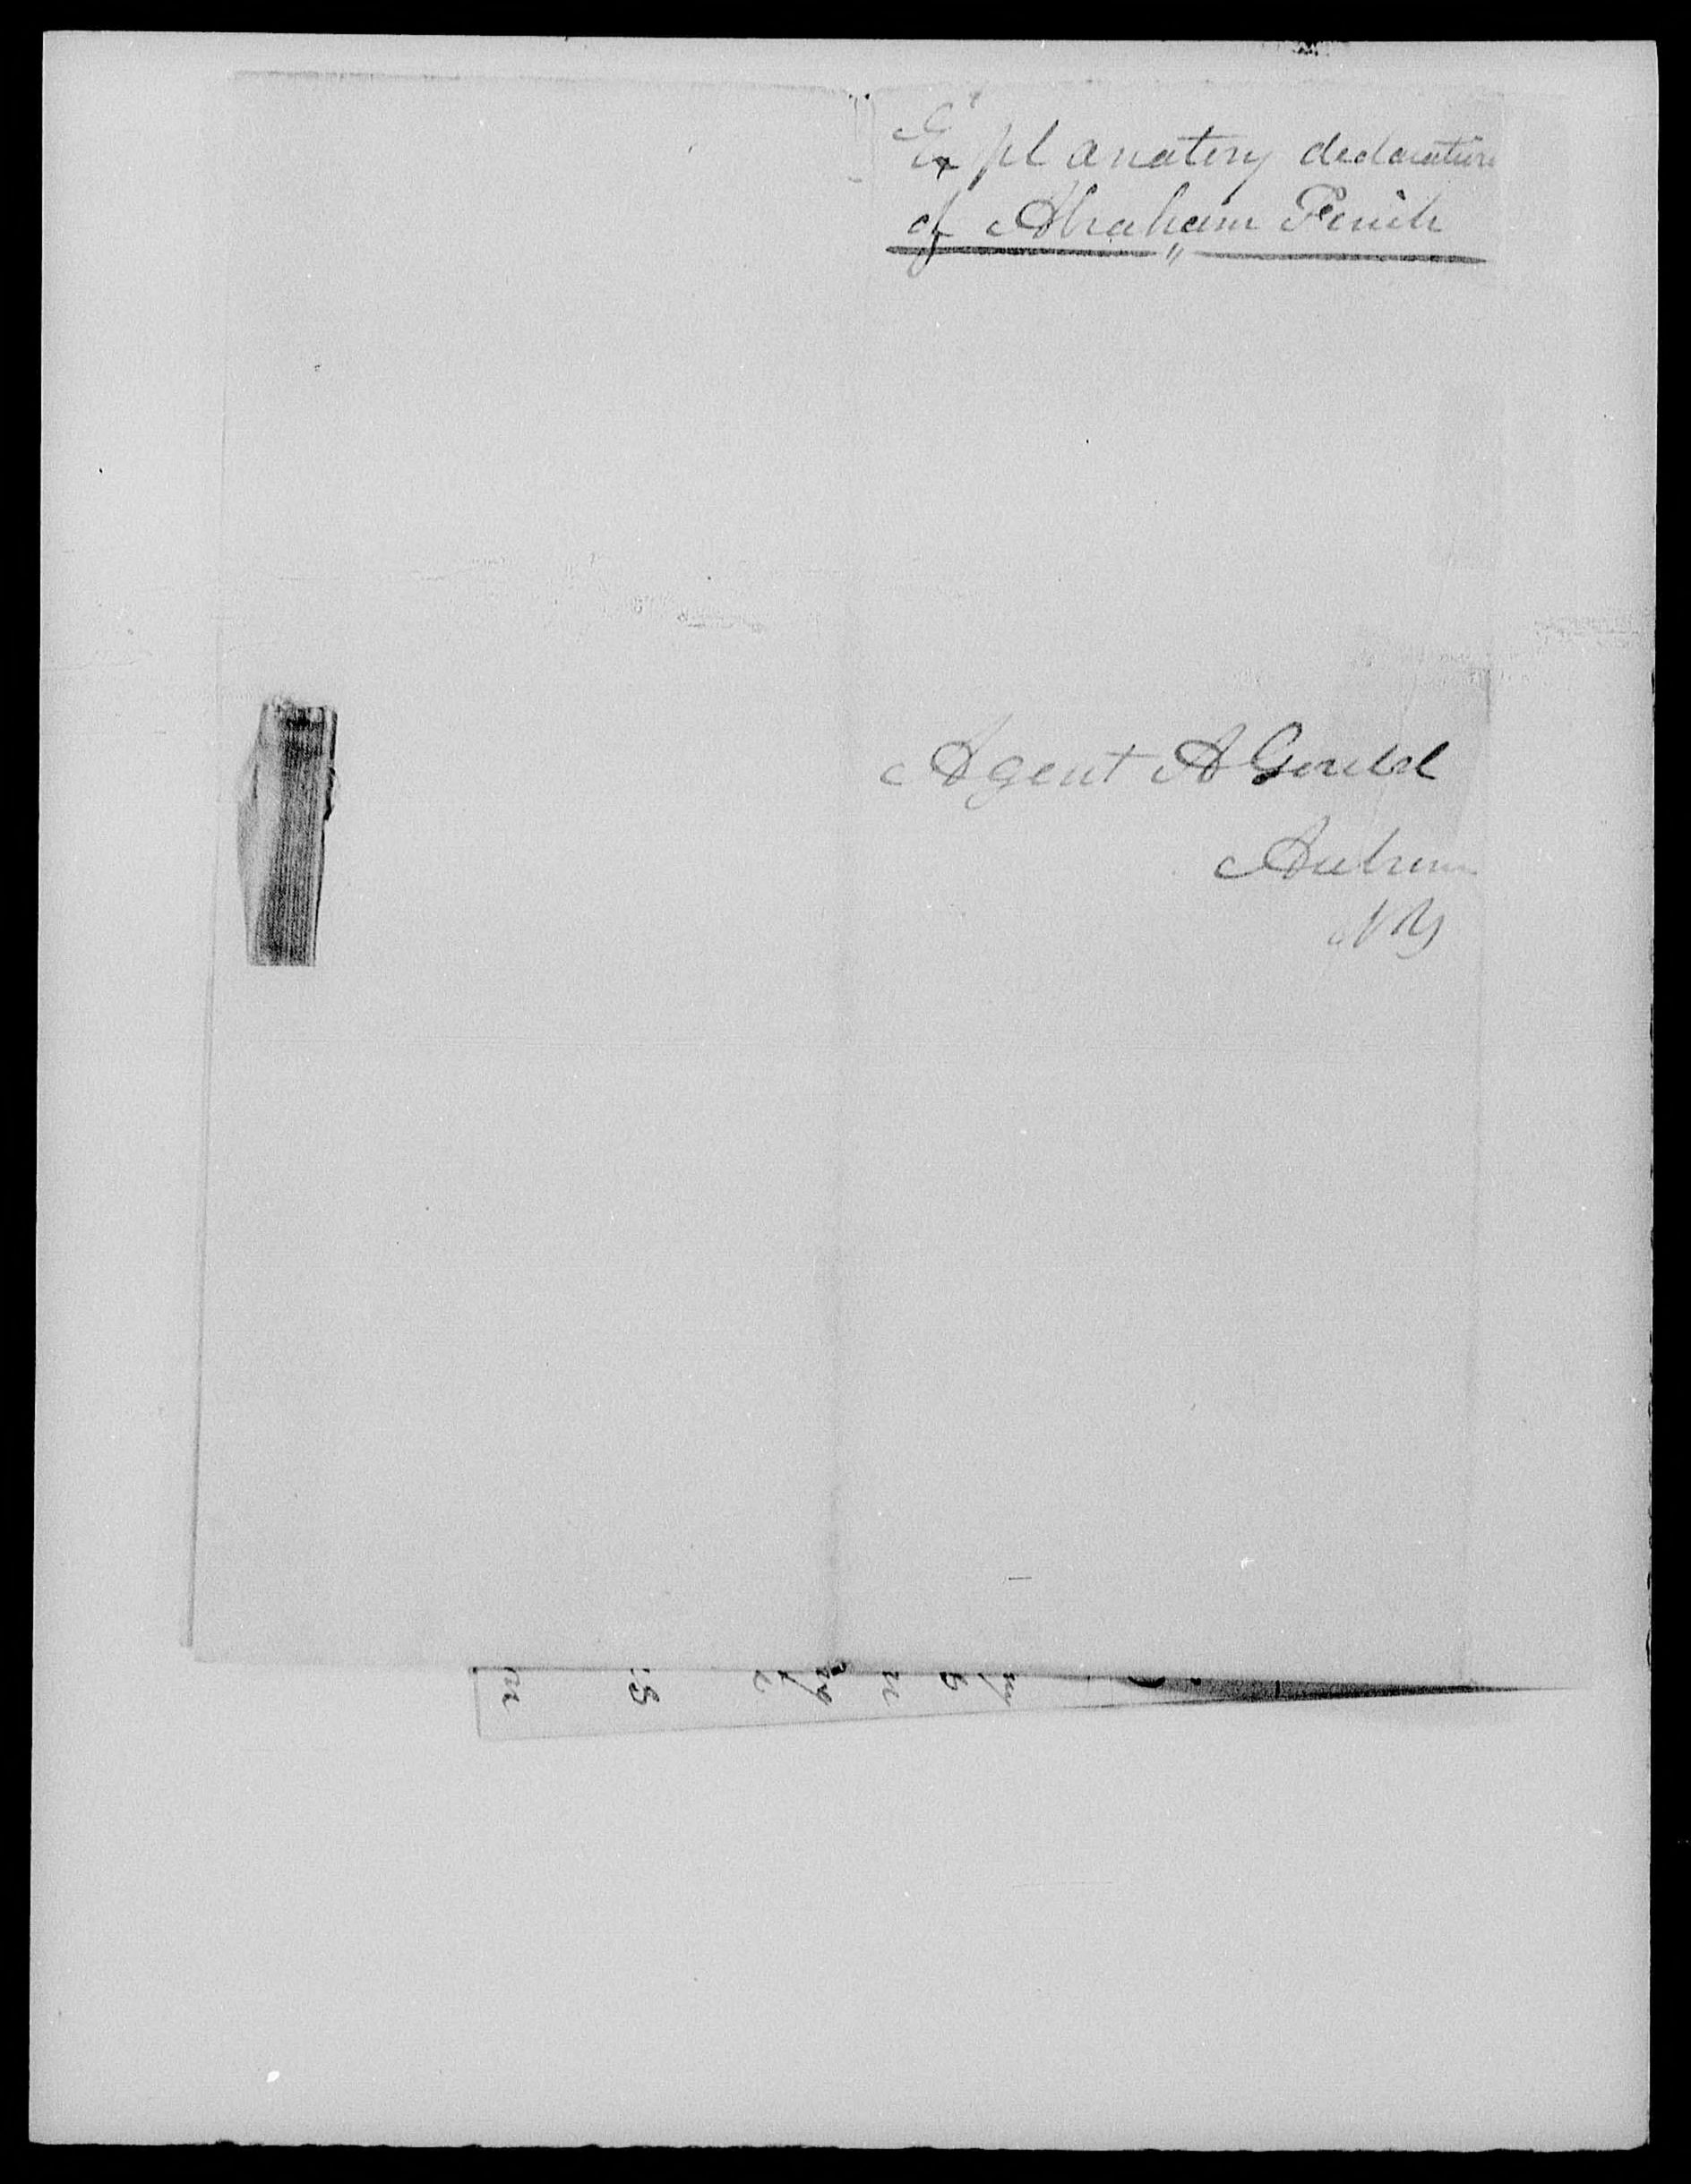Explanatory declaration
of Abraham Finch
Agent A Gould
Auburn
NY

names: A Gould, Abraham Finch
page: 27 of 35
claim: survivor's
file: S. 28727, Abraham Finch, Conn.